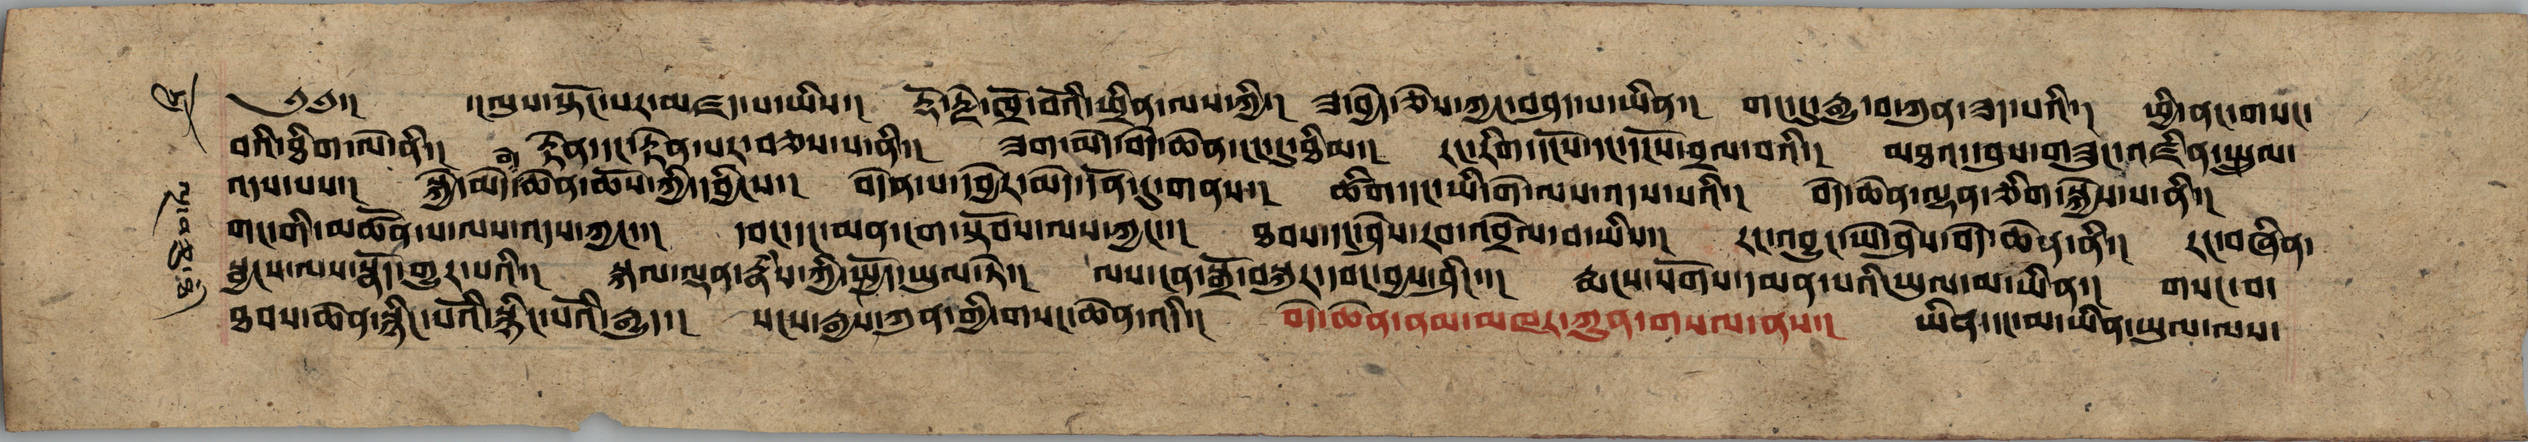༄༅་། ་་།ལུས་སྟོང་པར་མཛད་པ་ཡིས་། རྡོ་རྗེ་ཁྲོ་བོའི་ཕྲིན་ལས་ཀྱི་། ཟ་བྱེད་ཅེས་ཀྱང་བཤད་པ་ཡིན་། གང་དུ་རྒྱུ་བ་ཀུན་ཟད་པའི་། ཕྱི་ནང་གསང་
བའི་ཐིག་ལེ་ནི་། རྟེན་དང་རྟེན་པར་བཅས་པ་ནི་། ཟག་མེད་བདེ་ཆེན་ངང་དུ་ཐིམ་། རང་རིག་དངོས་དང་དངོས་བྲལ་བའི་། མཐའ་དབུས་གཟུང་འཛིན་སྤྲུལ་
འདས་པས་། སྐྱེ་མེད་ཆེན་ཆོས་ཀྱི་དབྱིངས་། བདེན་པ་དབྱེར་མེད་དོན་དུ་གནས་། ཚིག་དང་ཡི་གེ་ལས་འདས་པའི་། བདེ་ཆེན་ལྷན་ཅིག་སྐྱེས་པ་ནི་།
གང་གི་མཚོན་པ་ལས་འདས་ཀྱང་་། དབང་དང་མན་ངག་སྟོབས་ལས་ཀྱང་་། ཐབས་དང་ཤེས་རབ་འབྲེལ་བ་ཡིས་། རང་འབྱུང་ཡེ་ཤེས་བདེ་ཆེན་ནི་། རང་བཞིན་
སྦྱངས་ལས་སྣོད་གྱུར་པའི་། སྐལ་ལྡན་རྣཾས་ཀྱི་སྤྱོད་ཡུལ་ཏེ་། ལས་ངན་སྒྲོ་བསྐུར་དབང་བྱས་ཤིང་་། རྨངས་སོགས་དམན་པའི་ཡུལ་མ་ཡིན་། གསང་བ་
ཐབས་ཆེན་སྙིང་པོའི་སྙིང་པོའི་རྒྱུད་། སངས་རྒྱས་ཀུན་གྱི་གསང་ཆེན་འདི་། བདེ་ཆེན་ནམ་མཁར་ཀུན་གསལ་ནས་། ཡིན་དང་མ་ཡིན་ཡུལ་ལས་